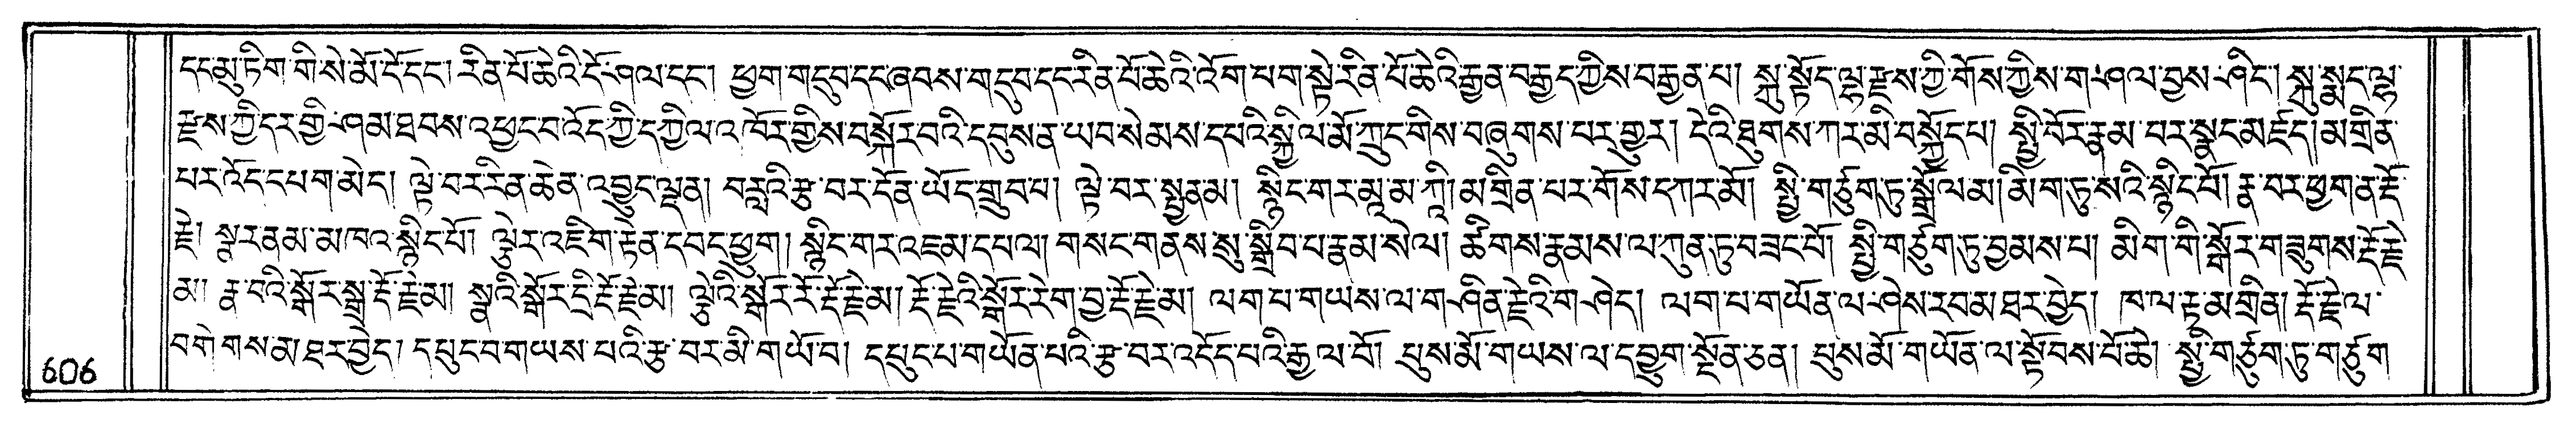དང་མུ་ཏིག་གི་སེ་མོ་དོ་དང་། རིན་པོ་ཆེའི་དོ་ཤལ་དང་། ཕྱག་གདུབ་དང་ཞབས་གདུབ་དང་རིན་པོ་ཆེའི་འོག་པག་སྟེ་རིན་པོ་ཆེའི་རྒྱན་བརྒྱད་ཀྱིས་བརྒྱན་པ། སྐུ་སྟོད་ལྷ་རྫས་ཀྱི་གོས་ཀྱིས་ག་ཤལ་བྱས་ཤིང་། སྐུ་སྨད་ལྷ་
རྫས་ཀྱི་དར་གྱི་ཤམ་ཐབས་འཕྱང་བ་འོད་ཀྱི་དཀྱིལ་འཁོར་གྱིས་བསྐོར་བའི་དབུས་ན་ཡབ་སེམས་དཔའི་སྐྱིལ་མོ་ཀྲུང་གིས་བཞུགས་པར་གྱུར། དེའི་ཐུགས་ཀར་མི་བསྐྱོད་པ། སྤྱི་བོར་རྣམ་པར་སྣང་མཛད། མགྲིན་
པར་འོད་དཔག་མེད། ལྟེ་བར་རིན་ཆེན་འབྱུང་ལྡན། བརླའི་རྩ་བར་དོན་ཡོད་གྲུབ་པ། ལྟེ་བར་སྤྱན་མ། སྙིང་གར་མཱ་མ་ཀཱི། མགྲིན་པར་གོས་དཀར་མོ། སྤྱི་གཙུག་ཏུ་སྒྲོལ་མ། མིག་ཏུ་སའི་སྙིང་པོ། རྣ་བར་ཕྱག་ན་རྡོ་
རྗེ། སྣར་ནམ་མཁའ་སྙིང་པོ། ལྕེར་འཇིག་རྟེན་དབང་ཕྱུག །སྙིང་གར་འཇམ་དཔལ། གསང་གནས་སུ་སྒྲིབ་པ་རྣམ་སེལ། ཚིགས་རྣམས་ལ་ཀུན་ཏུ་བཟང་པོ། སྤྱི་གཙུག་ཏུ་བྱམས་པ། མིག་གི་སྒོར་གཟུགས་རྡོ་རྗེ་
མ། རྣ་བའི་སྒོར་སྒྲ་རྡོ་རྗེ་མ། སྣའི་སྒོར་དྲི་རྡོ་རྗེ་མ། ལྕེའི་སྒོར་རོ་རྡོ་རྗེ་མ། རྡོ་རྗེའི་སྒོར་རེག་བྱ་རྡོ་རྗེ་མ། ལག་པ་གཡས་ལ་གཤིན་རྗེའི་གཤེད། ལག་པ་གཡོན་ལ་ཤེས་རབ་མཐར་བྱེད། ཁ་ལ་རྟ་མགྲིན། རྡོ་རྗེ་ལ་
བགེགས་མཐར་བྱེད། དཔུང་བ་གཡས་པའི་རྩ་བར་མི་གཡོ་བ། དཔུང་པ་གཡོན་པའི་རྩ་བར་འདོད་པའི་རྒྱལ་པོ། པུས་མོ་གཡས་ལ་དབྱུག་སྔོན་ཅན། པུས་མོ་གཡོན་ལ་སྟོབས་པོ་ཆེ། སྤྱི་གཙུག་ཏུ་གཙུག་